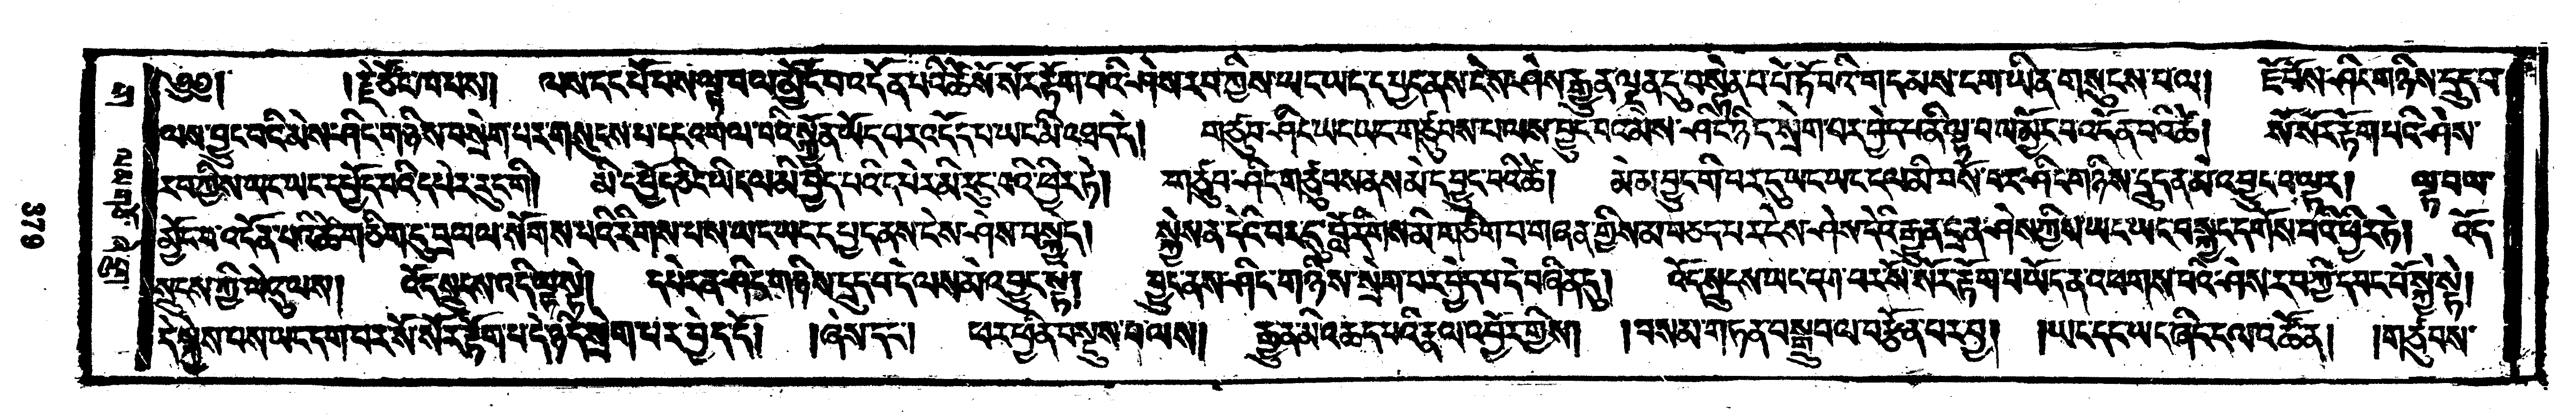༄༅། །རྗེ་ཙོང་ཁ་པས། ལས་དང་པོ་པས་ལྟ་བ་ལ་མྱོང་བ་འདོན་པའི་ཚེ་སོ་སོར་རྟོག་པའི་ཤེས་རབ་ཀྱིས་ཡང་ཡང་དཔྱད་ནས་ངེས་ཤེས་རྒྱུན་ལྡན་དུ་བསྟེན་པ་པོ་ཏོ་བའི་གདམས་ངག་ཡིན་གསུངས་པ་ལ། ཇོ་བོས་ཤིང་གཉིས་དྲུད་པ་
ལས་བྱུང་བའི་མེས་ཤིང་གཉིས་བསྲེག་པར་གསུངས་པ་དང་འགལ་བའི་སྐྱོན་ཡོད་པར་འདོད་པ་ཡང་མི་འཐད་དེ། གཙུབ་ཤིང་ཡང་ཡང་གཙུབས་པ་ལས་བྱུང་བའ་མེས་ཤིང་ཉིད་སྲེག་པར་བྱེད་པ་ནི་ལྟ་བ་ལ་མྱོང་བ་འདོན་བའི་ཚེ། སོ་སོར་རྟོག་པའི་ཤེས་
རབ་ཀྱིས་ཡང་ཡང་དཔྱོད་བའི་དཔེར་རུང་གི། མི་དཔྱོད་ཅིང་ཡིད་ལ་མི་བྱེད་པའི་དཔེར་མི་རུང་བའི་ཕྱིར་ཏེ། གཙུབ་ཤིང་གཙུབས་ནས་མེ་དབྱུང་བའི་ཚེ། མེ་མ་བྱུང་གི་བར་དུ་ཡང་ཡང་དལ་མི་བསོ་བར་ཤིང་གཉིས་དྲུང་ན་མེ་འབྱུང་བ་ལྟར། ལྟ་བ་ལ་
མྱོང་བ་འདོན་པའི་ཚེ་གཅིག་དུ་བྲལ་ལ་སོགས་པའི་རིགས་པས་ཡང་ཡང་དཔྱད་ནས་ངེས་ཤེས་བསྐྱེད། སྐྱེས་ན་དེའི་བར་དུ་བློ་རིགས་མི་གཅིག་པ་གཞན་གྱིས་མ་བཅད་པར་ངེས་ཤེས་དེའི་རྒྱུན་དྲན་ཤེས་ཀྱིས་ཡང་ཡང་བསྐྱང་དགོས་པའི་ཕྱིར་ཏེ། འོད་
སྲུངས་ཀྱི་ལེའུ་ལས། འོད་སྲུངས་འདི་ལྟ་སྟེ། དཔེར་ན་ཤིང་གཉིས་དྲུད་པ་དེ་ལས་མེ་འབྱུང་སྟེ། བྱུང་ནས་ཤིང་གཉིས་སྲེག་པར་བྱེད་པ་དེ་བཞིན་དུ། འོད་སྲུངས་ཡང་དག་པར་སོ་སོར་རྟོག་པ་ཡོད་ན་འཕགས་པའི་ཤེས་རབ་ཀྱི་དབང་པོ་སྐྱེ་སྟེ།
དེ་སྐྱེས་པས་ཡང་དག་པར་སོ་སོར་རྟོག་པ་དེ་ཉིད་སྲེག་པར་བྱེད་དོ། །ཞེས་དང་། ཕར་ཕྱིན་བསྡུས་བ་ལས། རྒྱུན་མི་འཆད་པའི་རྣལ་འབྱོར་གྱིས། །བསམ་གཏན་བསྒྲུབ་ལ་བརྩོན་པར་བྱ། །ཡང་དང་ཡང་ཞིང་དལ་འཚོ་ན། །གཙུབས་